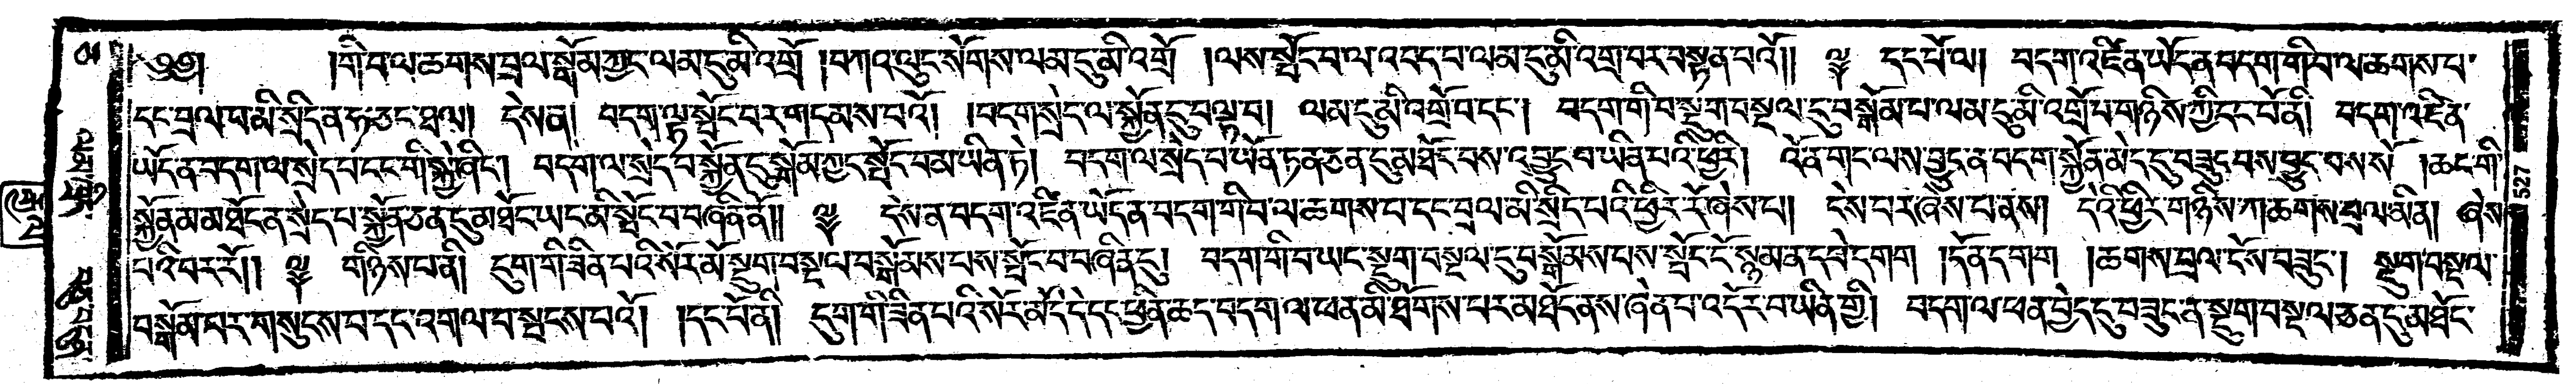༄༅། །གི་བ་ལ་ཆགས་བྲལ་སྒོམ་ཀྱང་ལམ་དུ་མི་འགྲོ་།བཀའ་ལུང་སོགས་ལམ་དུ་མི་འགྲོ་།ལས་སྤོང་བ་ལ་འབད་པ་ལམ་དུ་མི་འགྲ་བར་བསྟན་པའོ།། ༈ དང་པོ་ལ། བདག་འཛིན་ཡོད་ན་བདག་གི་བ་ལ་ཆགས་པ་
དང་བྲལ་བ་མི་སྲིད་ན་ཧ་ཅང་ཐལ། དེས་ན། བདག་ལྟ་སྤོང་བར་གདམས་པའོ། །བདག་སྲེད་ལ་སྐྱོན་དུ་བལྟ་བ། ལམ་དུ་མི་འགྲོ་བ་དང་། བདག་གི་བ་སྡུག་བསྔལ་དུ་བསྒོམ་པ་ལམ་དུ་མི་འགྲོ་བ་གཉིས་ཀྱི་དང་པོ་ནི། བདག་འཛིན་
ཡོད་ན་བདག་ལ་སྲེད་པ་དང་གི་སྐྱེ་ཞིང་། བདག་ལ་སྲེད་པ་སྐྱོན་དུ་སྒོམ་ཀྱང་སྤོང་བ་མ་ཡིན་ཏེ། བདག་ལ་སྲེད་པ་ཡོན་ཏན་ཅན་དུ་མཐོང་བས་འབྱུང་བ་ཡིན་པའི་ཕྱིར། འོ་ན་གང་ལས་བྱུང་ན་བདག་སྐྱོན་མེད་དུ་བཟུང་བས་བྱུང་བས་སོ། །ཆང་གི་
སྐྱོན་མ་མཐོང་ན་སྲེད་པ་སྐྱོན་ཅན་དུ་མཐོང་ཡང་མི་སྤོང་བ་བཞིན་ནོ།། ༈ དེས་ན་བདག་འཛིན་ཡོད་ན་བདག་གི་བ་ལ་ཆགས་པ་དང་བྲལ་མི་སྲིད་པའི་ཕྱིར་རོ་ཞེས་པ། ངེས་པར་ཞེས་པ་ནས། དེའི་ཕྱིར་གཉིས་ཀ་ཆགས་བྲལ་མིན། ཞེས་
པའི་བར་རོ།། ༈ གཉིས་པ་ནི། དུག་གི་ཟིན་པའི་སོར་མོ་སྡུག་བསྔལ་བསྒོམས་པས་སྤོང་བ་བཞིན་དུ། བདག་གི་བ་ཡང་སྡུག་བསྔལ་དུ་བསྒོམས་པས་སྤོང་ངོ་སྙམ་ན་དཔེ་དགག །དོན་དགག །ཆགས་བྲལ་ངོས་བཟུང་། སྡུག་བསྔལ་
བསྒོམ་པར་གསུངས་པ་དང་འགལ་བ་སྤངས་པའོ། །དང་པོ་ནི། དུག་གི་ཟིན་པའི་སོར་མོ་དེ་དེ་དང་ཕྱིན་ཆད་བདག་ལ་ཕན་མི་ཐོགས་པར་མཐོང་ནས་ཞེན་པ་འདོར་བ་ཡིན་གྱི། བདག་ལ་ཕན་བྱེད་དུ་བཟུང་ན་སྡུག་བསྔལ་ཅན་དུ་མཐོང་